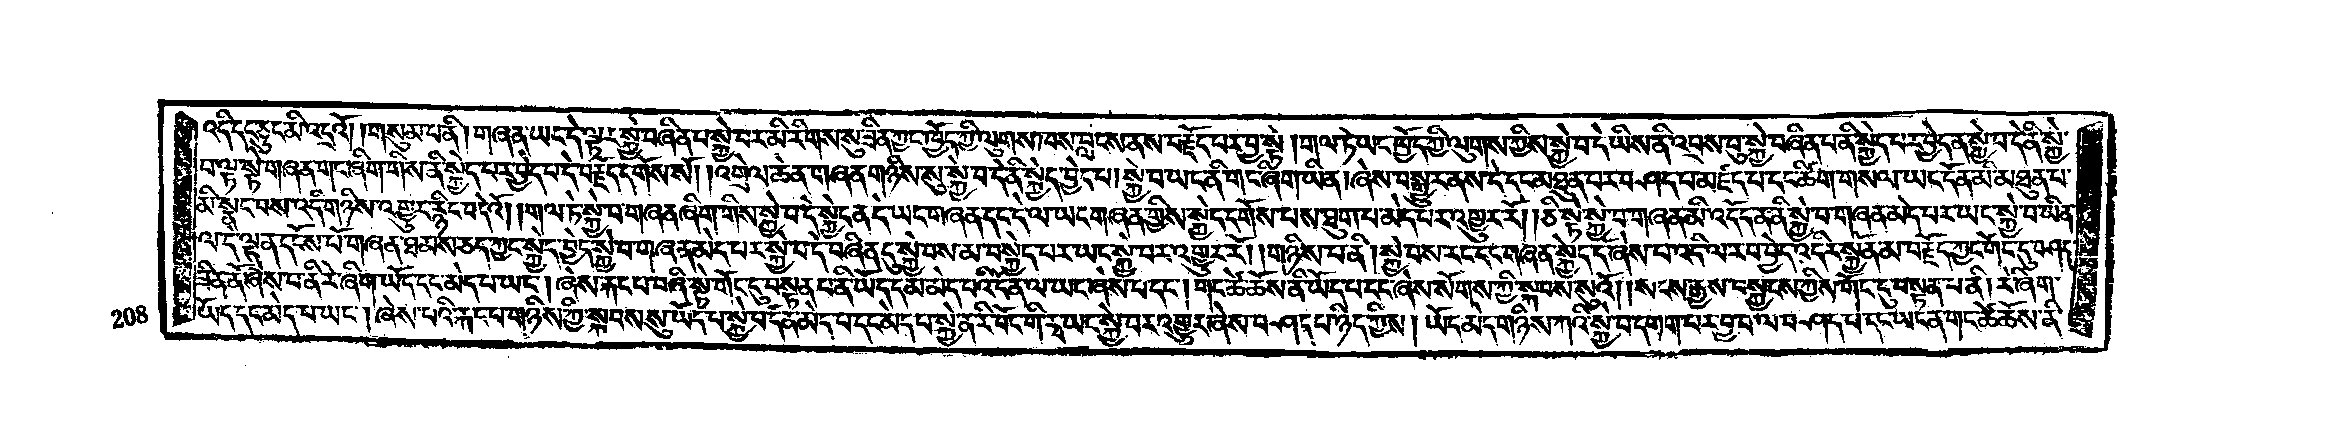འདི་དང་ཅུང་མི་འདྲའོ། །གསུམ་པ་ནི། གཞན་ཡང་དེ་ལྟར་སྐྱེ་བཞིན་པ་སྐྱེ་བར་མི་རིགས་སུ་ཟིན་ཀྱང་ཁྱོད་ཀྱི་ལུགས་ཁས་བླངས་ནས་བརྗོད་པར་བྱ་སྟེ། གལ་ཏེ་ཡང་ཁྱོད་ཀྱི་ལུགས་ཀྱིས་སྐྱེ་བ་དེ་ཡིས་ནི་འབྲས་བུ་སྐྱེ་བཞིན་པ་ནི་སྐྱེད་བར་བྱེད་ན་སྐྱེ་བ་དེ་ནི་སྐྱེ་
བ་ལྟ་སྟེ་གཞན་གང་ཞིག་གིས་ནི་སྐྱེད་པར་བྱེད་པ་དེ་བརྗོད་དགོས་སོ། །འགྲེལ་ཆེན་གཞན་གཉིས་སུ་སྐྱེ་བ་དེ་ནི་སྐྱེད་བྱེད་པ། སྐྱེ་བ་ཡང་ནི་གང་ཞིག་ཡིན། ཞེས་བསྒྱུར་ནས་དེ་དང་མཐུན་པར་བཤད་པ་མཛད་པ་དང་ཚིག་གསལ་ཡང་དོན་མི་མཐུན་པ་
མི་སྣང་བས་འདི་གཉིས་འགྱུར་རྙིང་བདེའོ། །གལ་ཏེ་སྐྱེ་བ་གཞན་ཞིག་གིས་སྐྱེ་བ་དེ་སྐྱེད་ན་དེ་ཡང་གཞན་དང་དེ་ལ་ཡང་གཞན་གྱིས་སྐྱེད་དགོས་པས་ཐུག་པ་མེད་པར་འགྱུར་རོ། །ཅི་སྟེ་སྐྱེ་བ་གཞན་མི་འདོད་ན་ནི་སྐྱེ་བ་གཞན་མེད་པར་ཡང་སྐྱེ་བ་ཡིན་
ལ་དེ་ལྟ་ན་དངོས་པོ་གཞན་ཐམས་ཅད་ཀྱང་སྐྱེད་བྱེད་སྐྱེ་བ་གཞན་མེད་པར་སྐྱེ་བ་དེ་བཞིན་དུ་སྐྱེ་བས་མ་བསྐྱེད་པར་ཡང་སྐྱེ་བར་འགྱུར་རོ། །གཉིས་པ་ནི། སྐྱེ་བས་རང་དང་གཞན་སྐྱེད་དོ་ཞེས་པ་འདི་ལ་རབ་བྱེད་འདིར་སྐྱོན་མ་བརྗོད་ཀྱང་གོང་དུ་བཤད་
ཟིན་ནོ་ཞེས་པ་ནི་རེ་ཞིག་ཡོད་དང་མེད་པ་ཡང་། ཞེས་རྐང་པ་བཞི་སྟེ་གོང་དུ་བསྟན་པ་ནི་ཡོད་དམ་མེད་པའི་དོན་ལ་ཡང་ཞེས་པ་དང་། གང་ཚེ་ཆོས་ནི་ཡོད་པ་དང་ཞེས་སོགས་ཀྱི་སྐབས་སུའོ། །སངས་རྒྱས་བསྐྱངས་ཀྱིས་གོང་དུ་བསྟན་པ་ནི། རེ་ཞིག་
ཡོད་དང་མེད་པ་ཡང་། ཞེས་པའི་རྐང་པ་གཉིས་ཀྱི་སྐབས་སུ་ཡོད་པ་སྐྱེ་བ་དོན་མེད་པ་དང་མེད་པ་སྐྱེ་ན་རི་བོང་གི་རྭ་ཡང་སྐྱེ་བར་འགྱུར་ཞེས་བཤད་པ་ཉིད་ཀྱིས། ཡོད་མེད་གཉིས་ཀའི་སྐྱེ་བ་དགག་པར་བྱ་བ་ལ་བཤད་པ་དང་ཡང་ན་གང་ཚེ་ཆོས་ནི་